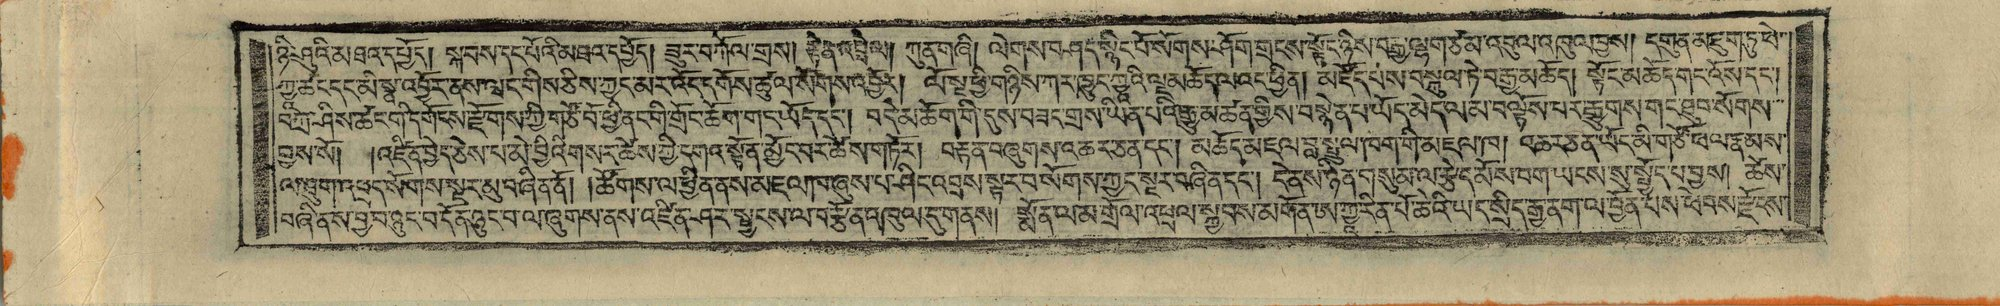ཉི་ཤུའི་མཐའ་དཔྱོད། སྐབས་དང་པོའི་མཐའ་དཔྱོད། ཟུར་བཀོལ་གྲས། རྟེན་འབྲེལ། ཀུན་གཞི། ལེགས་བཤད་སྙིང་པོ་སོགས་ཤོག་གྲངས་སྟོང་ཉིས་བརྒྱ་ལྷག་ཙམ་འབུལ་འཁུལ་བྱས། དགུན་མཇུག་ཏུ་ཕེ་
ཀྱཱ་ཚང་དང་མི་སྣ་འབྱོར་ནས་ཝང་གིས་ཅིས་ཀྱང་མར་འོང་དགོས་ཚུལ་སོགས་འབྱོར། ལོ་སྔ་ཕྱི་གཉིས་ཀར་ཁྱུང་ཀྱཱའི་ལྔ་མཆོད་ལའང་ཕྱིན། མཛོད་པས་བསྐུལ་ཏེ་བརྒྱ་མཆོད། སྟོང་མཆོད་གང་འོས་དང་།
བཀྲ་ཤིས་ཚང་གི་དགོངས་རྫོགས་ཀྱི་གཙོ་བོ་ཕྱི་ནང་གི་གྲོང་ཆོག་གང་ཡོད་དང་། བདེ་མཆོག་གི་དུས་བཟང་གྲས་ཡིན་པའི་རྒྱུ་མཚན་གྱིས་བསྙེན་པ་ཡོད་མེད་ལ་མ་བལྟོས་པར་རྒྱུགས་གང་ཐུབ་སོགས་
བྱས་སོ། །འཛིན་བྱེད་ཅེས་པ་མེ་བྱིའི་གསར་ཚེས་ཀྱི་དགའ་སྟོན་མྱོང་བར་ཚེས་གཏོར། བརྟན་བཞུགས་འཆར་ཅན་དང་། མཆོད་མཇལ་བླ་སྤྲུལ་ཁག་གི་མཇལ་ཁ། འཆར་ཅན་ཡོང་མི་གཙོ་ཕལ་རྣམས་
ལ་ཐུག་འཕྲད་སོགས་སྔར་མུ་བཞིན་ནོ། །ཚོགས་ལ་ཕྱིན་ནས་མཇལ་ཁ་ཞུས་པ་ཤིང་འབྲས་སྟར་བ་སོགས་ཀྱང་སྔར་བཞིན་དང་། དེ་ནས་ཉིན་གསུམ་ལ་རྩེད་མོས་བག་ཡངས་སུ་སྤྱོད་པ་བྱས། ཚེས་
བཞི་ནས་བྱ་བ་ཉུང་བ་དོན་ཉུང་བ་ལ་ཞུགས་ནས་འཛིན་ཤར་སྦྱངས་ལ་བརྩོན་འཁུལ་དུ་གནས། སྨོན་ལམ་གྲོལ་འཕྲལ་སྐྱབས་མགོན་ཨ་ཀྱཱ་རིན་པོ་ཆེའི་ཡང་སྲིད་རྒྱ་ནག་ལ་བྱོན་པས་ཕེབས་རྫོངས་